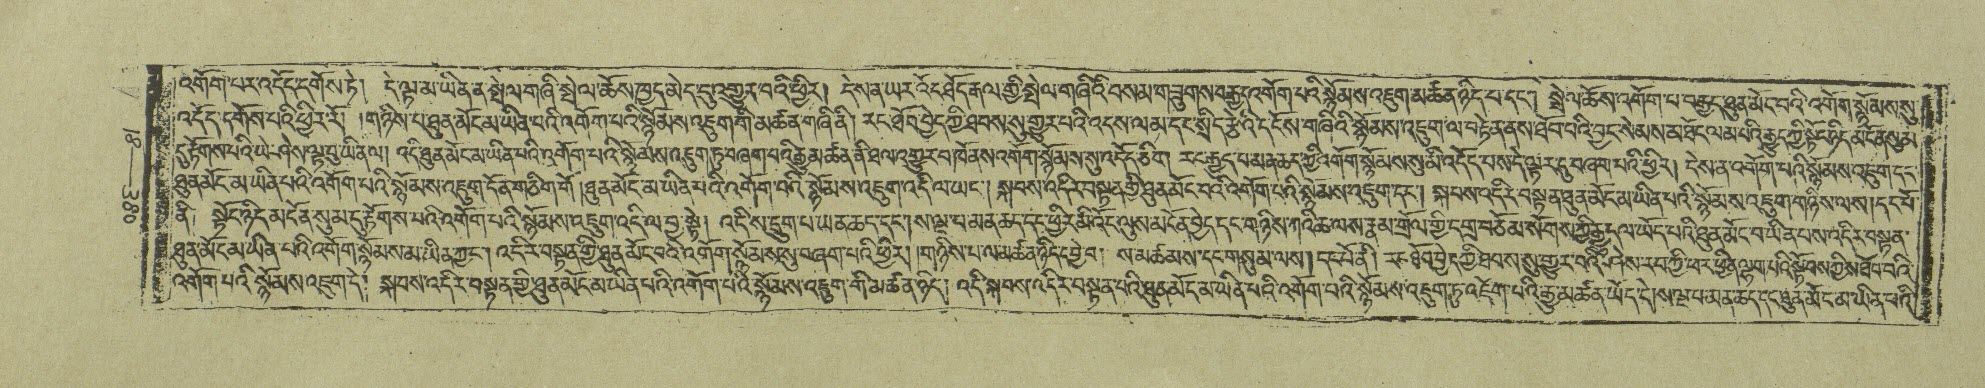འགོག་པར་འདོད་དགོས་ཏེ། དེ་ལྟ་མ་ཡིན་ན་སྤེལ་གཞི་སྤེལ་ཆོས་ཁྱད་མེད་དུ་འགྱུར་བའི་ཕྱིར། དེས་ན་ཡར་འོང་ཐོད་རྒལ་གྱི་སྤེལ་གཞིའི་བསམ་གཟུགས་བརྒྱད་འགོག་པའི་སྙོམས་འཇུག་མཚན་ཉིད་པ་དང་། སྤེལ་ཆོས་འགོག་པ་བརྒྱད་ཐུན་མོང་བའི་འགོག་སྙོམས་སུ་
འདོད་དགོས་པའི་ཕྱིར་རོ། །གཉིས་པ་ཐུན་མོང་མ་ཡིན་པའི་འགོག་པའི་སྙོམས་འཇུག་གི་མཚན་གཞི་ནི། རང་ཐོབ་བྱེད་ཀྱི་ཐབས་སུ་གྱུར་པའི་འདས་ལམ་དང་སྲིད་རྩེའི་དངོས་གཞིའི་སྙོམས་འཇུག་ལ་བརྟེན་ནས་ཐོབ་པའི་བྱང་སེམས་མཐོང་ལམ་པའི་རྒྱུད་ཀྱི་སྟོང་ཉིད་མངོན་སུམ་
དུ་རྟོགས་པའི་ཡེ་ཤེས་ལྟ་བུ་ཡིན་ལ། འདི་ཐུན་མོང་མ་ཡིན་པའི་འགོག་པའི་སྙོམས་འཇུག་ཏུ་བཞག་པའི་རྒྱུ་མཚན་ནི་ཐལ་འགྱུར་བ་ཁོ་ནས་འགོག་སྙོམས་སུ་འདོད་ཅིང་། རང་རྒྱུད་པ་མན་ཆད་ཀྱི་འགོག་སྙོམས་སུ་མི་འདོད་པས་དེ་ལྟར་དུ་བཞག་པའི་ཕྱིར། དེས་ན་འགོག་པའི་སྙོམས་འཇུག་དང་
ཐུན་མོང་མ་ཡིན་པའི་འགོག་པའི་སྙོམས་འཇུག་དོན་གཅིག་གོ། །ཐུན་མོང་མ་ཡིན་པའི་འགོག་པའི་སྙོམས་འཇུག་འདི་ལ་ཡང་། སྐབས་འདིར་བསྟན་གྱི་ཐུན་མོང་བའི་འགོག་པའི་སྙོམས་འཇུག་དང་། སྐབས་འདིར་བསྟན་ཐུན་མོང་མ་ཡིན་པའི་སྙོམས་འཇུག་གཉིས་ལས། དང་པོ་
ནི། སྟོང་ཉིད་མངོན་སུམ་དུ་རྟོགས་པའི་འགོག་པའི་སྙོམས་འཇུག་འདི་ལ་བྱ་སྟེ། འདི་ས་དྲུག་པ་ཡན་ཆད་དང་། ས་ལྔ་བ་མན་ཆད་དང་ཕྱིར་མི་འོང་ལུས་མངོན་བྱེད་དང་གཉིས་ཀའི་ཆ་ལས་རྣམ་གྲོལ་གྱི་དགྲ་བཅོམ་སོགས་ཀྱི་རྒྱུད་ལ་ཡོད་པའི་ཐུན་མོང་བ་ཡིན་པས་འདིར་བསྟན་
ཐུན་མོང་མ་ཡིན་པའི་འགོག་སྙོམས་མ་ཡིན་ཀྱང་། འདིར་བསྟན་གྱི་ཐུན་མོང་བའི་འགོག་སྙོམས་སུ་བཞག་པའི་ཕྱིར། གཉིས་པ་ལ་མཚན་ཉིད་དབྱེ་བ། ས་མཚམས་དང་གསུམ་ལས། དང་པོ་ནི། རང་ཐོབ་བྱེད་ཀྱི་ཐབས་སུ་གྱུར་པའི་ཤེས་རབ་ཀྱི་ཕར་ཕྱིན་ལྷག་པའི་སྟོབས་ཀྱི་ཐོབ་པའི་
འགོག་པའི་སྙོམས་འཇུག་དེ། སྐབས་འདིར་བསྟན་གྱི་ཐུན་མོང་མ་ཡིན་པའི་འགོག་པའི་སྙོམས་འཇུག་གི་མཚན་ཉིད། འདི་སྐབས་འདིར་བསྟན་པའི་ཐུན་མོང་མ་ཡིན་པའི་འགོག་པའི་སྙོམས་འཇུག་ཏུ་འཇོག་པའི་རྒྱུ་མཚན་ཡོད་དེ། ས་ལྔ་པ་མན་ཆད་དང་ཐུན་མོང་མ་ཡིན་པའི་